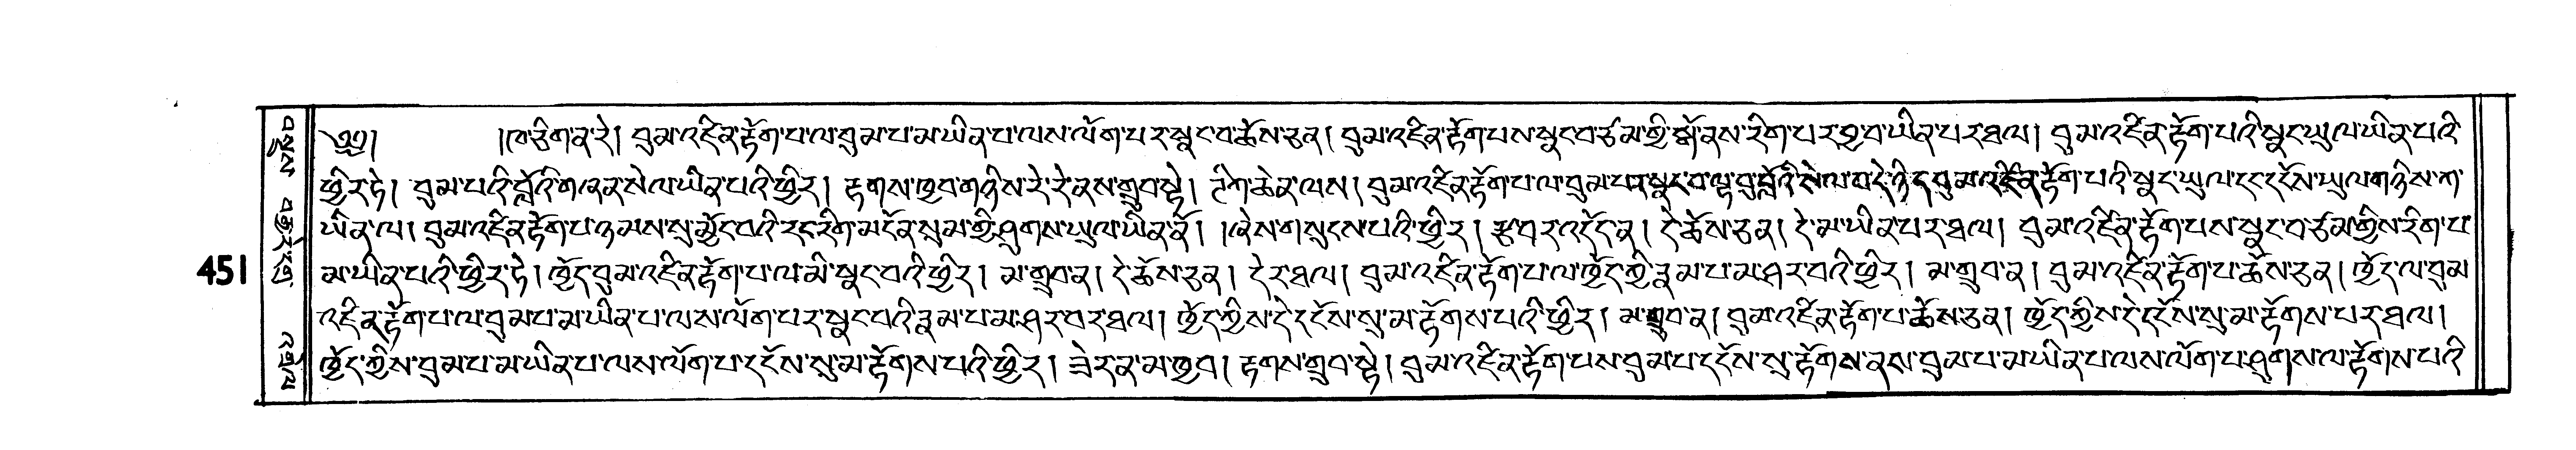༄༅། །ཁ་ཅིག་ན་རེ། བུམ་འཛིན་རྟོག་པ་ལ་བུམ་པ་མ་ཡིན་པ་ལས་ལོག་པར་སྣང་བ་ཆོས་ཅན། བུམ་འཛིན་རྟོག་པས་སྣང་བ་ཙམ་གྱི་སྒོ་ནས་རིག་པར་བྱ་བ་ཡིན་པར་ཐལ། བུམ་འཛིན་རྟོག་པའི་སྣང་ཡུལ་ཡིན་པའི་
ཕྱིར་ཏེ། བུམ་པའི་བློའི་གཞན་སེལ་ཡིན་པའི་ཕྱིར། རྟགས་ཁྱབ་གཉིས་རེ་རེ་ནས་གྲུབ་སྟེ། ཊིཀ་ཆེན་ལས། བུམ་འཛིན་རྟོག་པ་ལ་བུམ་པར་སྣང་བ་ལྟ་བུ་བློའི་སེལ་བ་དེ་ཉིད་བུམ་འཛིན་རྟོག་པའི་སྣང་ཡུལ་དང་དངོས་ཡུལ་གཉིས་ཀ་
ཡིན་ལ། བུམ་འཛིན་རྟོག་པ་ཉམས་སུ་མྱོང་བའི་རང་རིག་མངོན་སུམ་གྱི་ཤུགས་ཡུལ་ཡིན་ནོ། །ཞེས་གསུངས་པའི་ཕྱིར། རྩ་བར་འདོད་ན། དེ་ཆོས་ཅན། དེ་མ་ཡིན་པར་ཐལ། བུམ་འཛིན་རྟོག་པས་སྣང་བ་ཙམ་གྱིས་རིག་པ་
མ་ཡིན་པའི་ཕྱིར་ཏེ། ཁྱོད་བུམ་འཛིན་རྟོག་པ་ལ་མི་སྣང་བའི་ཕྱིར། མ་གྲུབ་ན། དེ་ཆོས་ཅན། དེར་ཐལ། བུམ་འཛིན་རྟོག་པ་ལ་ཁྱོད་ཀྱི་རྣམ་པ་མ་ཤར་བའི་ཕྱིར། མ་གྲུབ་ན། བུམ་འཛིན་རྟོག་པ་ཆོས་ཅན། ཁྱོད་ལ་བུམ་
འཛིན་རྟོག་པ་ལ་བུམ་པ་མ་ཡིན་པ་ལས་ལོག་པར་སྣང་བའི་རྣམ་པ་མ་ཤར་བར་ཐལ། ཁྱོད་ཀྱིས་དེ་དངོས་སུ་མ་རྟོགས་པའི་ཕྱིར། མ་གྲུབ་ན། བུམ་འཛིན་རྟོག་པ་ཆོས་ཅན། ཁྱོད་ཀྱིས་དེ་དངོས་སུ་མ་རྟོགས་པར་ཐལ།
ཁྱོད་ཀྱིས་བུམ་པ་མ་ཡིན་པ་ལས་ལོག་པ་དངོས་སུ་མ་རྟོགས་པའི་ཕྱིར། ཟེར་ན་མ་ཁྱབ། རྟགས་གྲུབ་སྟེ། བུམ་འཛིན་རྟོག་པས་བུམ་པ་དངོས་སུ་རྟོགས་ནས་བུམ་པ་མ་ཡིན་པ་ལས་ལོག་པ་ཤུགས་ལ་རྟོགས་པའི་